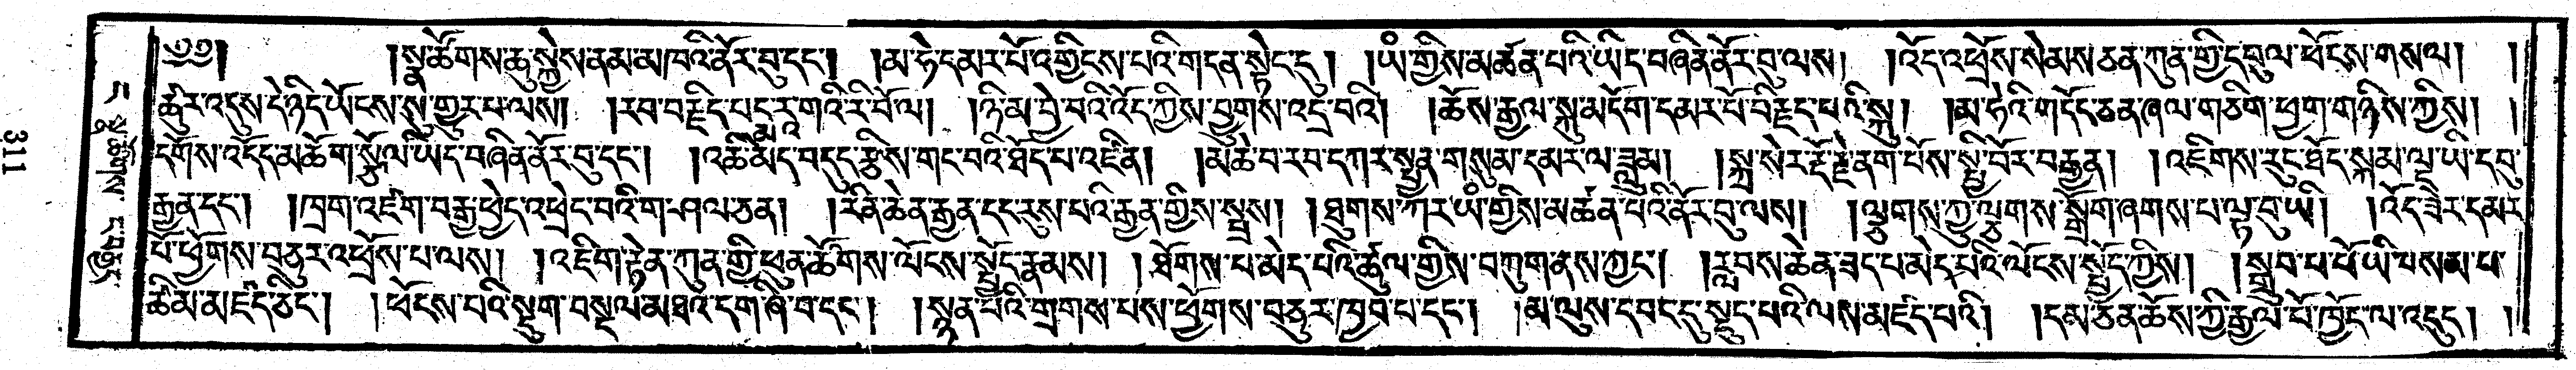༄༅། །སྣ་ཚོགས་ཆུ་སྐྱེས་ནམ་མཁའི་ནོར་བུ་དང་། །མ་ཧེ་དམར་པོ་འགྱིངས་པའི་གདན་སྟེང་དུ། །ཡཾ་གྱིས་མཚན་པའི་ཡིད་བཞིན་ནོར་བུ་ལས། །འོད་འཕྲོས་སེམས་ཅན་ཀུན་གྱི་དབུལ་ཕོངས་གསལ། །
ཚུར་འདུས་དེ་ཉིད་ཡོངས་སུ་གྱུར་པ་ལས། །རབ་བརྗིད་པདམ་རཱ་གའི་རི་བོ་ལ། །ཉི་མ་བྱེ་བའི་འོད་ཀྱིས་བྱུགས་འདྲ་བའི། །ཆོས་རྒྱལ་སྐུ་མདོག་དམར་པོ་བརྗིད་པའི་སྐུ། །མ་ཧེའི་གདོང་ཅན་ཞལ་གཅིག་ཕྱག་གཉིས་ཀྱིས། །
དགོས་འདོད་མཆོག་སྩོལ་ཡིད་བཞིན་ནོར་བུ་དང་། །འཆི་མེད་བདུད་རྩིས་གང་བའི་ཐོད་པ་འཛིན། །མཆེ་བ་རབ་དཀར་སྤྱན་གསུམ་དམར་ལ་ཟླུམ། །སྐྲ་སེར་རྡོ་རྗེ་ནག་པོས་སྤྱི་བོར་བརྒྱན། །འཇིགས་རུང་ཐོད་སྐམ་ལྔ་ཡི་དབུ་
རྒྱན་དང་། །ཁྲག་འཛག་བརྒྱ་ཕྲེང་འཕྲེང་བའི་ག་ཤལ་ཅན། །རིན་ཆེན་རྒྱན་དང་རུས་པའི་རྒྱན་གྱིས་སྤྲས། །ཐུགས་ཀར་ཡཾ་གྱིས་མཚན་པའི་ནོར་བུ་ལས། །ལྕགས་ཀྱུ་ལྕགས་སྒྲོག་ཞགས་པ་ལྟ་བུ་ཡི། །འོད་ཟེར་དམར་
པོ་ཕྱོགས་བཅུར་འཕྲོས་པ་ལས། །འཇིག་རྟེན་ཀུན་གྱི་ཕུན་ཚོགས་ལོངས་སྤྱོད་རྣམས། །ཐོགས་པ་མེད་པའི་ཚུལ་གྱིས་བཀུག་ནས་ཀྱང་། །རླབས་ཆེན་ཟད་པ་མེད་པའི་ལོངས་སྤྱོད་ཀྱིས། །སྒྲུབ་པ་པོ་ཡི་བསམ་པ་
ཚིམ་མཛད་ཅིང་། །ཕོངས་པའི་སྡུག་བསྔལ་མཐའ་དག་ཞི་བ་དང་། །སྙན་པའི་གྲགས་པས་ཕྱོགས་བཅུར་ཁྱབ་པ་དང་། །མ་ལུས་དབང་དུ་སྡུད་པའི་ལས་མཛད་པའི། །དམ་ཅན་ཆོས་ཀྱི་རྒྱལ་པོ་ཁྱོད་ལ་འདུད། །